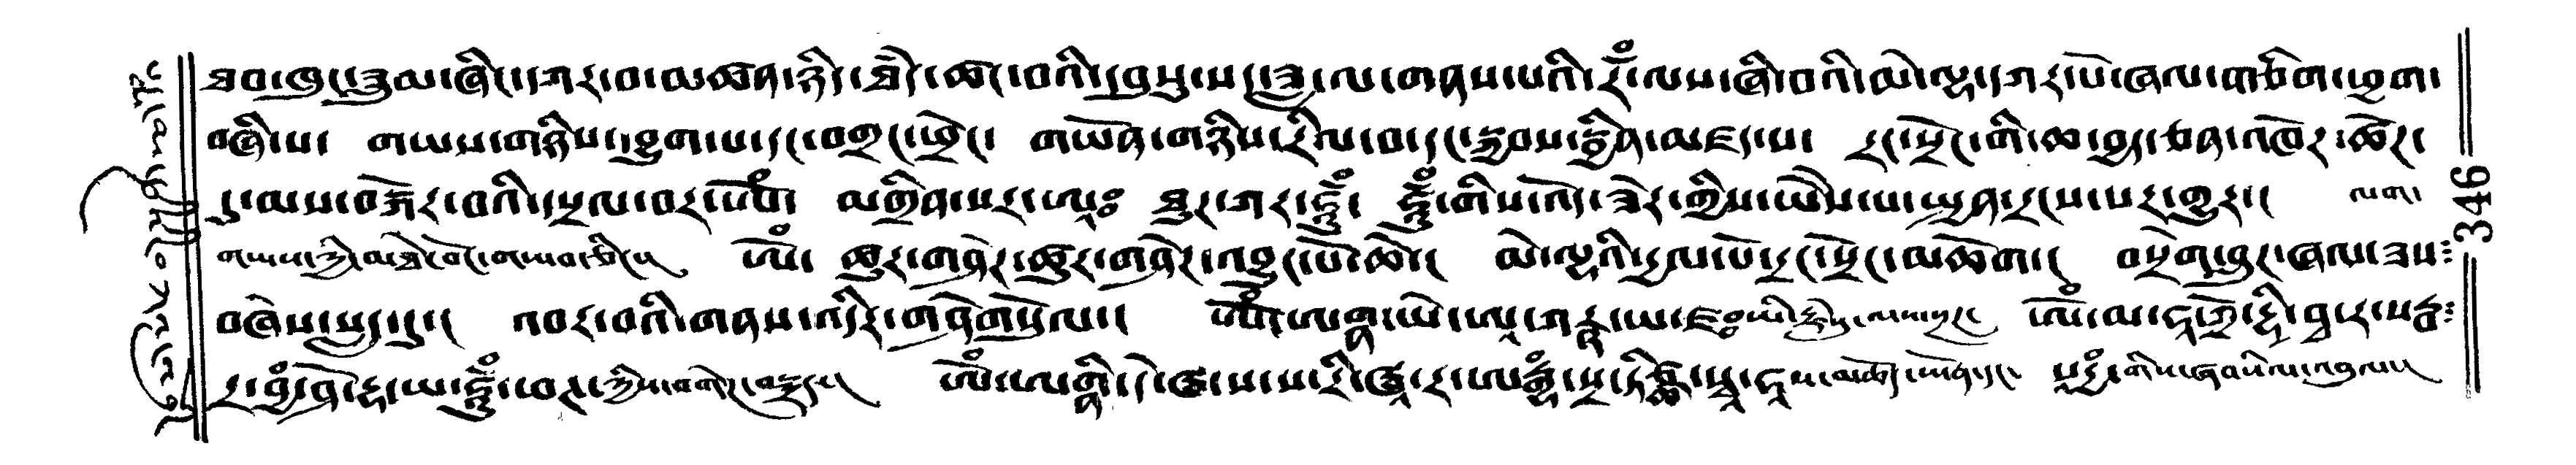ཐབ་ཁུང་ཟླུམ་ཞིང་དཀར་བ་མཚན་ཉིད་ཐམས་ཅད་ཚང་བའི་དབུས་སུ་པད་ཟླ་ལ་གནས་པའི་རྃ་ལས་ཞི་བའི་མེ་ལྷ་དཀར་པོ་ཞལ་གཅིག་ཕྱག་
བཞི་པ། གཡས་གཉིས་དབྱུག་པ་དང་བགྲང་ཕྲེང་།གཡོན་གཉིས་རིལ་བ་དང་སྐྱབས་སྦྱིན་མཛད་པ། དྲང་སྲོང་གི་ཆ་བྱད་ཅན་འཁོར་ཚོགས་
དུ་མས་བསྐོར་བའི་དཔྲལ་བར་ཨོཾ། མགྲིན་པར་ཨཱཿ ཐུགས་ཀར་ཧཱུྃ། ཧཱུྃ་གིས་འོད་ཟེར་གྱིས་ཡེ་ཤེས་པ་སྤྱན་དྲངས་པར་གྱུར། ལག་
གཡས་ཀྱི་མཐེ་བཽང་གཡབ་ཅིང་། ཨོཾ། ཚུར་གཤེགས་ཚུར་གཤེགས་འབྱུང་པོ་ཆེ། །མེ་ལྷའི་རྒྱལ་པོ་དྲང་སྲོང་མཆོག །བསྲེག་བླུགས་ཞལ་ཟས་
བཞེས་སླད་དུ། །འབར་བའི་གནས་འདིར་གཤེགས་སུ་གསོལ། ཨོཾ་ཨགྣ་ཡེ་ཨཱ་ཀརྴ་ཡ་ཛཿ ཡི་རྗེས་སུ་ལས་སྔགས། ཨོཾ་མ་ཧཱ་ཀྲོ་དྷི་ཤྭ་རི་སརྦ་
དྲ་བྱཾ་ཤོ་དྷ་ཡ་ཧཱུྃ་ཕཊཿ ཀྱིས་བགེགས་བསྐྲད། ཨོཾ་ཨགྣི་དེ་ཝ་ས་པཱ་རི་ཝཱ་ར་ཨརྒྷཾ་པྲ་ཏིཙྪ་སྭཱ་ཧཱ ས་མཆོད་ཡོན་དང་། པཱདྱཾ་གིས་ཞབས་སིལ་འབུལ།